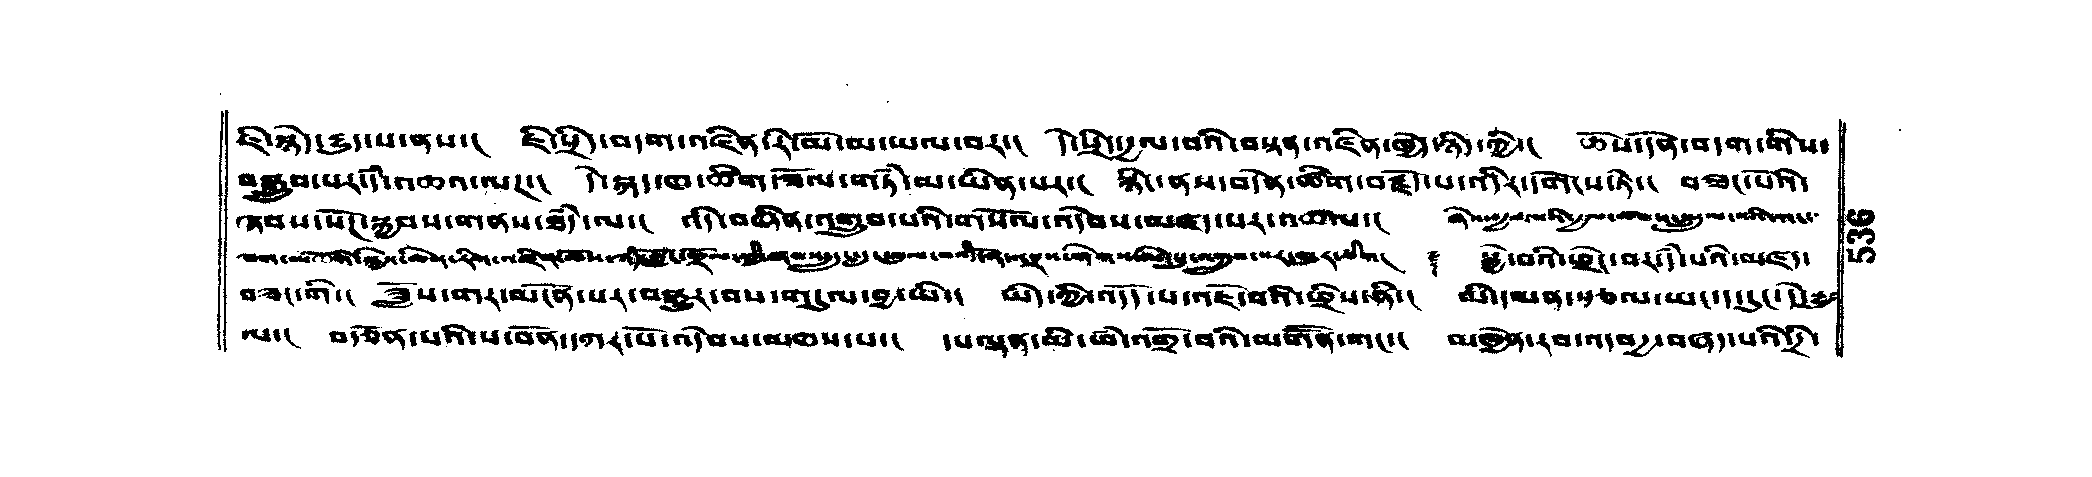ཇི་སྙེད་བརྒྱུད་པ་ནས། །ཇི་སྲིད་བདག་འཛིན་རི་མོ་མ་ཡལ་བར། །དེ་སྲིད་རྒྱལ་བའི་བསྟན་འཛིན་ཁྱེད་ཉིད་ཀྱི། །ཆོས་དོན་བདག་གིས་
བསྒྲུབ་པར་དམ་འཆའ་ལགས། །དེ་སྐད་ཁ་ཚིག་ཟོལ་གཏམ་མ་ཡིན་པར། །སྙིང་ནས་བདེན་ཚིག་བརྗོད་པ་འདིར་དགོངས་ཏེ། །བཟང་པོའི་
ཞབས་སོགས་སྐྱབས་གནས་ཐམས་ཅད་ལ། །འདི་བཞིན་འགྲུབ་པའི་གསོལ་འདེབས་མཛད་པར་འཚལ། །ཞེས་རྒྱལ་བའི་རྒྱལ་ཚབ་སྤྲུལ་པའི་གང་
ཟག་མཆོག་གི་སྐྱེས་ཆེན་རིག་འཛིན་ཆོས་ཉིད་བློ་གྲོས་གྱི་ཞབས་དྲུང་དུ་ཕུལ་བའི་དོན་འབྲས་གེགས་མེད་དུ་འགྲུབ་པར་གྱུར་ཅིག།། ༈ སྐྱེ་བའི་ཕྲེང་བར་དམ་པའི་མཛད་
བཟང་གི །ཟློས་གར་མངོན་པར་བསྒྱུར་བས་གདུལ་བྱ་ཡི། །ཡིད་ཀྱི་འདོད་པ་འཇོ་བའི་ཕྲིན་ལས་ནི། །མི་དམན་བསྩལ་ཡང་ད་དུང་དེ་རྒྱུ་
ལ། །བརྩོན་པའི་ས་བོན་དཀར་པོ་འདེབས་མཁས་པ། །དཔལ་ལྡན་མི་ཕམ་འགྲོ་བའི་མགོན་པོ་གང་། །མཁྱེན་རབ་འདབ་བརྒྱ་བཞད་པའི་དྲི་